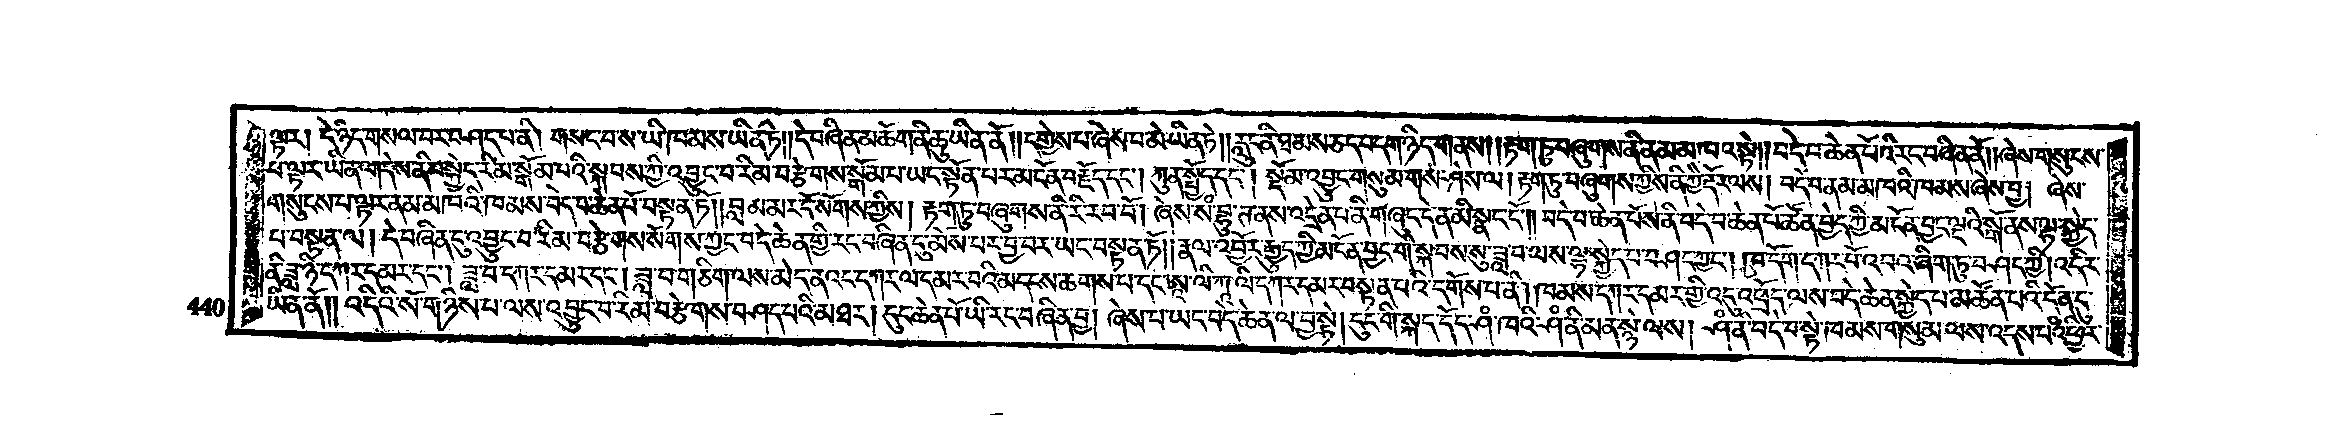ལྟར། དེ་ཉིད་གསལ་བར་བཤད་པ་ནི། གསང་བ་ས་ཡི་ཁམས་ཡིན་ཏེ། །དེ་བཞིན་མཆོག་ནི་ཆུ་ཡིན་ནོ། །དགྱེས་པ་ཞེས་པ་མེ་ཡིན་ཏེ། །རླུང་ནི་ཐམས་ཅད་བདག་ཉིད་གནས། །རྟག་ཏུ་བཞུགས་ནི་ནམ་མཁའ་སྟེ། །བདེ་བ་ཆེན་པོའི་རང་བཞིན་ནོ། །ཞེས་གསུངས་
པ་ལྟར་ཡིན་ལ། དེས་ནི་བསྐྱེད་རིམ་སྒོམ་པའི་སྐབས་ཀྱི་འབྱུང་བ་རིམ་བ་བརྩེགས་སྒོམ་པ་ཡང་སྟོན་པར་མངོན་བརྗོད་དང་། ཀུན་སྤྱོད་དང་། སྡོམ་འབྱུང་གསུམ་གས་ཤེས་ལ། རྟག་ཏུ་བཞུགས་ཀྱིས་ནི་ཀྱཻ་རྡོར་ལས། བདེ་བ་ནམ་མཁའི་ཁམས་ཞེས་བྱ། ཞེས་
གསུངས་པ་ལྟར་ནམ་མཁའི་ཁམས་བདེ་བ་ཆེན་པོ་བསྟན་ཏོ། །བླ་མ་མར་དོ་སོགས་ཀྱིས། རྟག་ཏུ་བཞུགས་ནི་རི་རབ་བོ། ཞེས་སཾ་བྷུ་ཊ་ནས་འདྲེན་པ་ནི་གཞུང་དེ་ན་མི་སྣང་ངོ། །བདེ་བ་ཆེན་པོས་ནི་བདེ་བ་ཆེན་པོ་ཚོན་བྱེད་ཀྱི་མངོན་བྱང་ལྔའི་སྒོ་ནས་ལྷ་སྐྱེད་
པ་བསྟན་ལ། དེ་བཞིན་དུ་འབྱུང་བ་རིམ་བརྩེགས་སོགས་ཀྱང་བདེ་ཆེན་གྱི་རང་བཞིན་དུ་མོས་པར་བྱ་བར་ཡང་བསྟན་ཏོ། །རྣལ་འབྱོར་རྒྱུད་ཀྱི་མངོན་བྱང་གི་སྐབས་སུ་ཟླ་བ་ལས་ལྷ་སྐྱེད་པ་བཤད་ཀྱང་། ཁ་དོག་དཀར་པོ་འབའ་ཞིག་ཏུ་བཤད་ཀྱི། འདིར་
ནི་ཟླ་ཉི་དཀར་དམར་དང་། ཟླ་བ་དཀར་དམར་དང་། ཟླ་བ་གཅིག་ལས་མེད་ནའང་དཀར་ལ་དམར་བའི་མདངས་ཆགས་པ་དང་ཨཱ་ལི་ཀཱ་ལི་དཀར་དམར་བསྟན་པའི་དགོས་པ་ནི། ཁམས་དཀར་དམར་གྱི་འདུ་འཕྲོད་ལས་བདེ་ཆེན་སྐྱེད་པ་མཚོན་པའི་དོན་དུ་
ཡིན་ནོ། །འདིའི་སོ་གཉིས་པ་ལས་འབྱུང་བ་རིམ་བརྩེགས་བཤད་པའི་མཐར། དུང་ཆེན་པོ་ཡི་རང་བཞིན་བྱ། ཞེས་པ་ཡང་བདེ་ཆེན་ལ་བྱ་སྟེ། དུང་གི་སྐད་དོད་ཤཾ་ཁའི་ཤཾ་ནི་མན་སྙེ་ལས། ཤཾ་ནི་བདེ་བ་སྟེ་ཁམས་གསུམ་ལས་འདས་པའི་ཕྱིར་